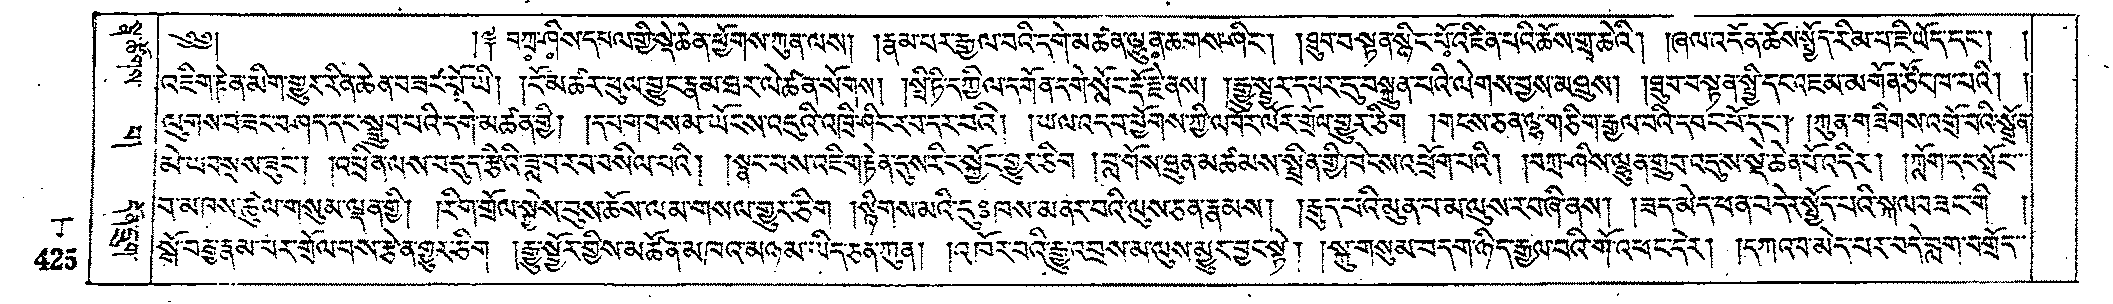༄༅། །འ་བཀྲ྾་ཤིས྾་དཔལ་གྱི་སྡེ་ཆེན་ཕྱོགས་ཀུན་ལས། །རྣམ་པར་རྒྱལ་བའི་དགེ་མཚན་ལྷུན྾་ཆགས་ཤིང་། །ཐུབ་བསྟན་སྙིང་པོ྾་འཛིན་པའི་ཆོས་གྲྭ་ཆེའི། །ཞལ་འདོན་ཆོས་སྤྱོད་རིམ་པ་ཇི་ཡོད་དང་། །
འཇིག་རྟེན་མིག་གྱུར་རིན་ཆེན་བཟང་པོ་ཡི། །ངོ་མཚར་ཕུལ་བྱུང་རྣམ་ཐར་ལེ་ཚན་སོགས། །སྤི་ཏི་དཀྱིལ་དགོན་དགེ་སློང་རྡོ་རྗེ་ན།ས་།རྒྱུ་སྦྱར་དཔར་དུ་བསྐྲུན་པའི་ལེགས་བྱས་མཐུས། །ཐུབ་བསྟན་སྤྱི་དང་འཇམ་མགོན་ཙོང་ཁ་པའི། །
ལུགས་བཟང་བཤད་དང་སྒྲུབ་པའི་དགེ་མཚན་གྱི། །དཔག་བསམ་ཡོངས་འདུའི་འཁྲི་ཤིང་རབ་དར་བའི། །ཡལ་འདབ་ཕྱོགས་ཀྱི་འཁོར་ལོར་གྲོལ་གྱུར་ཅིག །གངས་ཅན་ལྷ་གཅིག་རྒྱལ་བའི་དབང་པོ་དང་། །ཀུན་གཟིགས་འགྲོ་བའི་སྒྲོན་
མེ་ཡབ་སྲས་ཟུང་། །འཕྲིན་ལས་བདུད་རྩིའི་ཟླ་བ་རབ་བསིལ་པའི། །སྣང་བས་འཇིག་རྟེན་དུས་རིང་སྐྱོང་གྱུར་ཅིག །བླ་གོས་ཐུན་མཚམས་སྤྲིན་གྱི་ཁེངས་འཕྲོག་པའི། །བཀྲ་ཤིས་ལྷུན་གྲུབ་འདུས་སྡེ་ཆེན་པོ་འདིར། །ཀློག་དང་སྤོང་་་
བ་མཁས་ཚུལ་གསུམ་ལྡན་གྱི། །རིག་གྲོལ་སྐྱེས་བུས་ཆོས་ལམ་གསལ་གྱུར་ཅིག །སྙིགས་མའི་དུཿཁས་མནར་བའི་ལུས་ཅན་རྣམས། །རྒུད་པའི་མུན་པ་མ་ལུས་རབ་ཞི་ནས། །ཟད་མེད་ཕན་བདེར་སྤྱོད་པའི་སྐལ་བཟང་གི །
སྒོ་བརྒྱ་རྣམ་པར་གྲོལ་བས་རྩེན་གྱུར་ཅིག །རྒྱུ་སྦྱོར་གྱིས་མཚོན་མཁའ་མཉམ་ཡིད་ཅན་ཀུན། །འཁོར་བའི་རྒྱུ་འབྲས་མ་ལུས་མྱུར་བྱང་སྟེ། །སྐུ་གསུམ་བདག་ཉིད་རྒྱལ་བའི་གོ་འཕང་དེར། །དཀའ་བ་མེད་པར་བདེ་བླག་བགྲོད་་་